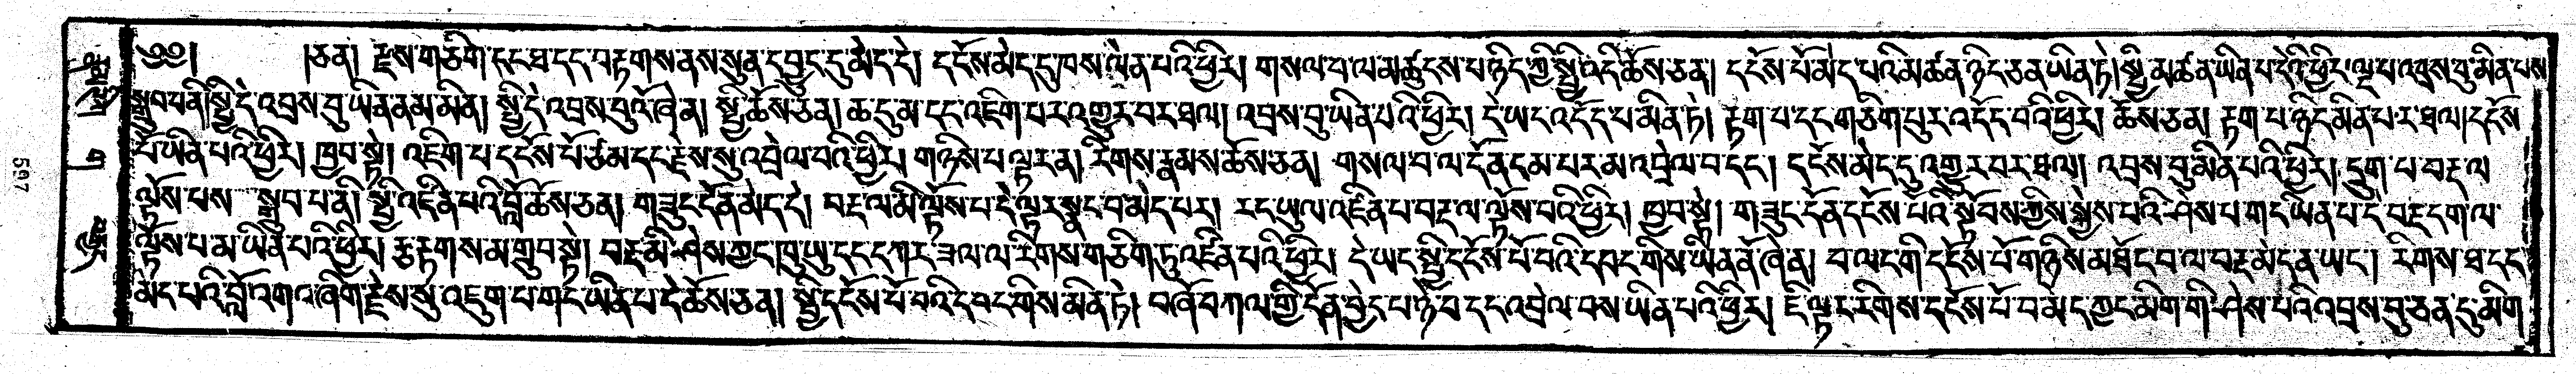༄༅། །ཅན། རྫས་གཅིག་དང་ཐ་དད་བརྟགས་ནས་སུན་དབྱུང་དུ་མེད་དེ། དངོས་མེད་དུ་ཁས་ལེན་པའི་ཕྱིར། གསལ་བ་ལ་མཚུངས་པ་ཉིད་ཀྱི་སྤྱི་འདི་ཆོས་ཅན། དངོས་པོ་མེད་པའི་མཚན་ཉིད་ཅན་ཡིན་ཏེ། སྤྱི་མཚན་ཡིན་པ་དེའི་ཕྱིར་ལྔ་པ་འབྲས་བུ་མིན་པས་
སྒྲུབ་པ་ནི། སྦྱི་དེ་འབྲས་བུ་ཡིན་ནམ་མིན། སྤྱི་དེ་འབྲས་བུའོ་ཞེ་ན། སྤྱི་ཆོས་ཅན། ཆ་དུ་མ་དང་འཇིག་པར་འགྱུར་བར་ཐལ། འབྲས་བུ་ཡིན་པའི་ཕྱིར། དེ་ཡང་འདོད་པ་མིན་ཏེ། རྟག་པ་དང་གཅིག་པུར་འདོད་པའི་ཕྱིར། ཆོས་ཅན། རྟག་པ་ཉིད་མིན་པར་ཐལ། དངོས་
པོ་ཡིན་པའི་ཕྱིར། ཁྱབ་སྟེ། འཇིག་པ་དངོས་པོ་ཙམ་དང་རྗེས་སུ་འབྲེལ་བའི་ཕྱིར། གཉིས་པ་ལྟར་ན། རིགས་རྣམས་ཆོས་ཅན། གསལ་བ་ལ་དོན་དམ་པར་མ་འབྲེལ་བ་དང་། དངོས་མེད་དུ་འགྱུར་བར་ཐལ། འབྲས་བུ་མིན་པའི་ཕྱིར། དྲུག་པ་བརྡ་ལ་
ལྟོས་པས་སྒྲུབ་པ་ནི། སྤྱི་འཛིན་པའི་བློ་ཆོས་ཅན། གཟུང་དོན་མེད་དེ། བརྡ་ལ་མི་ལྟོས་པ་དེ་ལྟར་སྣང་བ་མེད་པར། རང་ཡུལ་འཛིན་པ་བརྡ་ལ་ལྟོས་པའི་ཕྱིར། ཁྱབ་སྟེ། གཟུང་དོན་དངོས་པོའི་སྟོབས་ཀྱིས་སྐྱེས་པའི་ཤེས་པ་གང་ཡིན་པ་དེ་བརྡ་དག་ལ་
ལྟོས་པ་མ་ཡིན་པའི་ཕྱིར། རྩ་རྟགས་མ་གྲུབ་སྟེ། བརྡ་མི་ཤེས་ཀྱང་ཁུ་ཡུ་དང་དཀར་ཟལ་ལ་རིགས་གཅིག་ཏུ་འཛིན་པའི་ཕྱིར། དེ་ཡང་སྦྱི་དངོས་པོ་བའི་དབང་གིས་ཡིན་ནོ་ཞེ་ན། བ་ལང་གི་དངོས་པོ་གཉིས་མཐོང་བ་ལ་བརྡ་མེད་ན་ཡང་། རིགས་ཐ་དད་
མེད་པའི་བློ་འགའ་ཞིག་རྗེས་སུ་འཇུག་པ་གང་ཡིན་པ་དེ་ཆོས་ཅན། སྦྱི་དངོས་པོ་བའི་དབང་གིས་མིན་ཏེ། བཞོ་བཀལ་གྱི་དོན་བྱེད་པ་ཉེ་བ་དང་འབྲེལ་བས་ཡིན་པའི་ཕྱིར། ཇི་ལྟར་རིགས་དངོས་པོ་པ་མེད་ཀྱང་མིག་གི་ཤེས་པའི་འབྲས་བུ་ཅན་དུ་མིག་